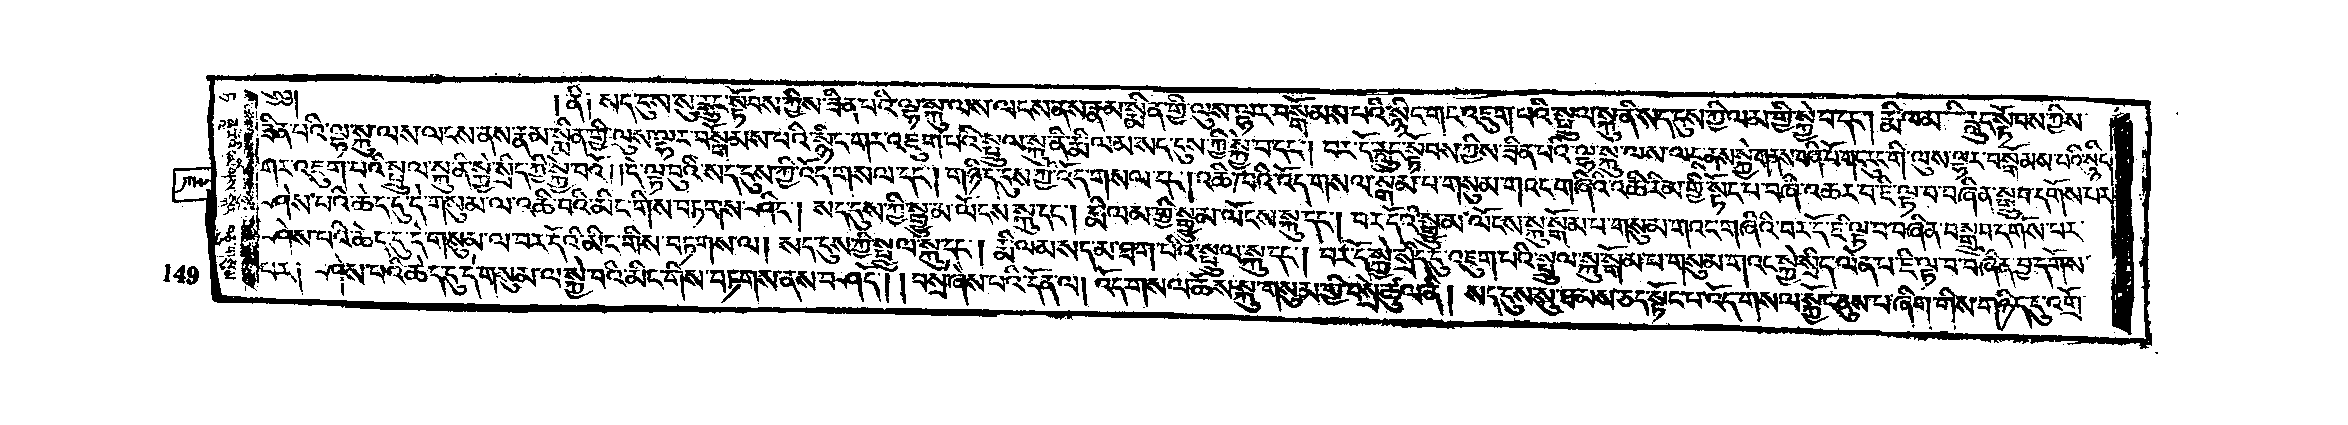༄༅། །ནི། སད་དུས་སུ་རླུང་སྟོབས་ཀྱིས་ཟིན་པའི་ལྷ་སྐུ་ལས་ལངས་ནས་རྣམ་སྨིན་གྱི་ལུས་ལྷར་བསྒོམས་པའི་སྙིང་གར་འཇུག་པའི་སྤྲུལ་སྐུ་ནི་སད་དུས་ཀྱི་ལམ་གྱི་སྐྱེ་བ་དང་། རྨི་ལམ་གྱི་རླུང་སྟོབས་ཀྱིས་
ཟིན་པའི་ལྷ་སྐུ་ལས་ལངས་ནས་རྣམ་སྨིན་གྱི་ལུས་ལྷར་བསྒོམས་པའི་སྙིང་གར་འཇུག་པའི་སྤྲུལ་སྐུ་ནི་རྨི་ལམ་སད་དུས་ཀྱི་སྐྱེ་བ་དང་། བར་དོ་རླུང་སྟོབས་ཀྱིས་ཟིན་པའི་ལྷ་སྐུ་ལས་ལངས་ནས་སྐྱེ་གནས་བཞི་པོ་གང་རུང་གི་ལུས་ལྷར་བསྒོམས་པའི་སྙིང་
གར་འཇུག་པའི་སྤྲུལ་སྐུ་ནི་སྐྱེ་སྲིད་ཀྱི་སྐྱེ་བའོ། །དེ་ལྟ་བུའི་སད་དུས་ཀྱི་འོད་གསལ་དང་། གཉིད་དུས་ཀྱི་འོད་གསལ་དང་། འཆི་ཁའི་འོད་གསལ་སྒོམ་པ་གསུམ་གའང་གཞིའི་འཆི་རིམ་གྱི་སྟོང་པ་བཞི་འཆར་བ་ཇི་ལྟ་བ་བཞིན་སྒྲུབ་དགོས་པར་
ཤེས་པའི་ཆེད་དུ་དེ་གསུམ་ལ་འཆི་བའི་མིང་གིས་བཏགས་ཤིང་། སད་དུས་ཀྱི་སྒྱུ་མ་ལོངས་སྐུ་དང་། རྨི་ལམ་གྱི་སྒྱུ་མ་ལོངས་སྐུ་དང་། བར་དོའི་སྒྱུ་མ་ལོངས་སྐུ་སྒོམ་པ་གསུམ་གའང་གཞིའི་བར་དོ་ཇི་ལྟ་བ་བཞིན་བསྒྲུབ་དགོས་པར་
ཤེས་པའི་ཆེད་དུ་དེ་གསུམ་ལ་བར་དོའི་མིང་གིས་བཏགས་ལ། སད་དུས་ཀྱི་སྤྲུལ་སྐུ་དང་། རྨི་ལམ་སད་མ་ཐག་པའི་སྤྲུལ་སྐུ་དང་། བར་དོ་སྐྱེ་སྲིད་དུ་འཇུག་པའི་སྤྲུལ་སྐུ་སྒོམ་པ་གསུམ་གའང་སྐྱེ་སྲིད་ལེན་པ་ཇི་ལྟ་བ་བཞིན་བྱ་དགོས་
པར། ཤེས་པའི་ཆེད་དུ་དེ་གསུམ་ལ་སྐྱེ་བའི་མིང་གིས་བཏགས་ནས་བཤད་དོ། །བསྲེ་ཞེས་པའི་དོན་ལ། འོད་གསལ་ཆོས་སྐུ་གསུམ་གྱི་བསྲེ་ཚུལ་ནི། སད་དུས་སུ་ཐམས་ཅད་སྟོང་པ་འོད་གསལ་སྐྱོང་ནུས་པ་ཞིག་གིས་གཉིད་དུ་འགྲོ་